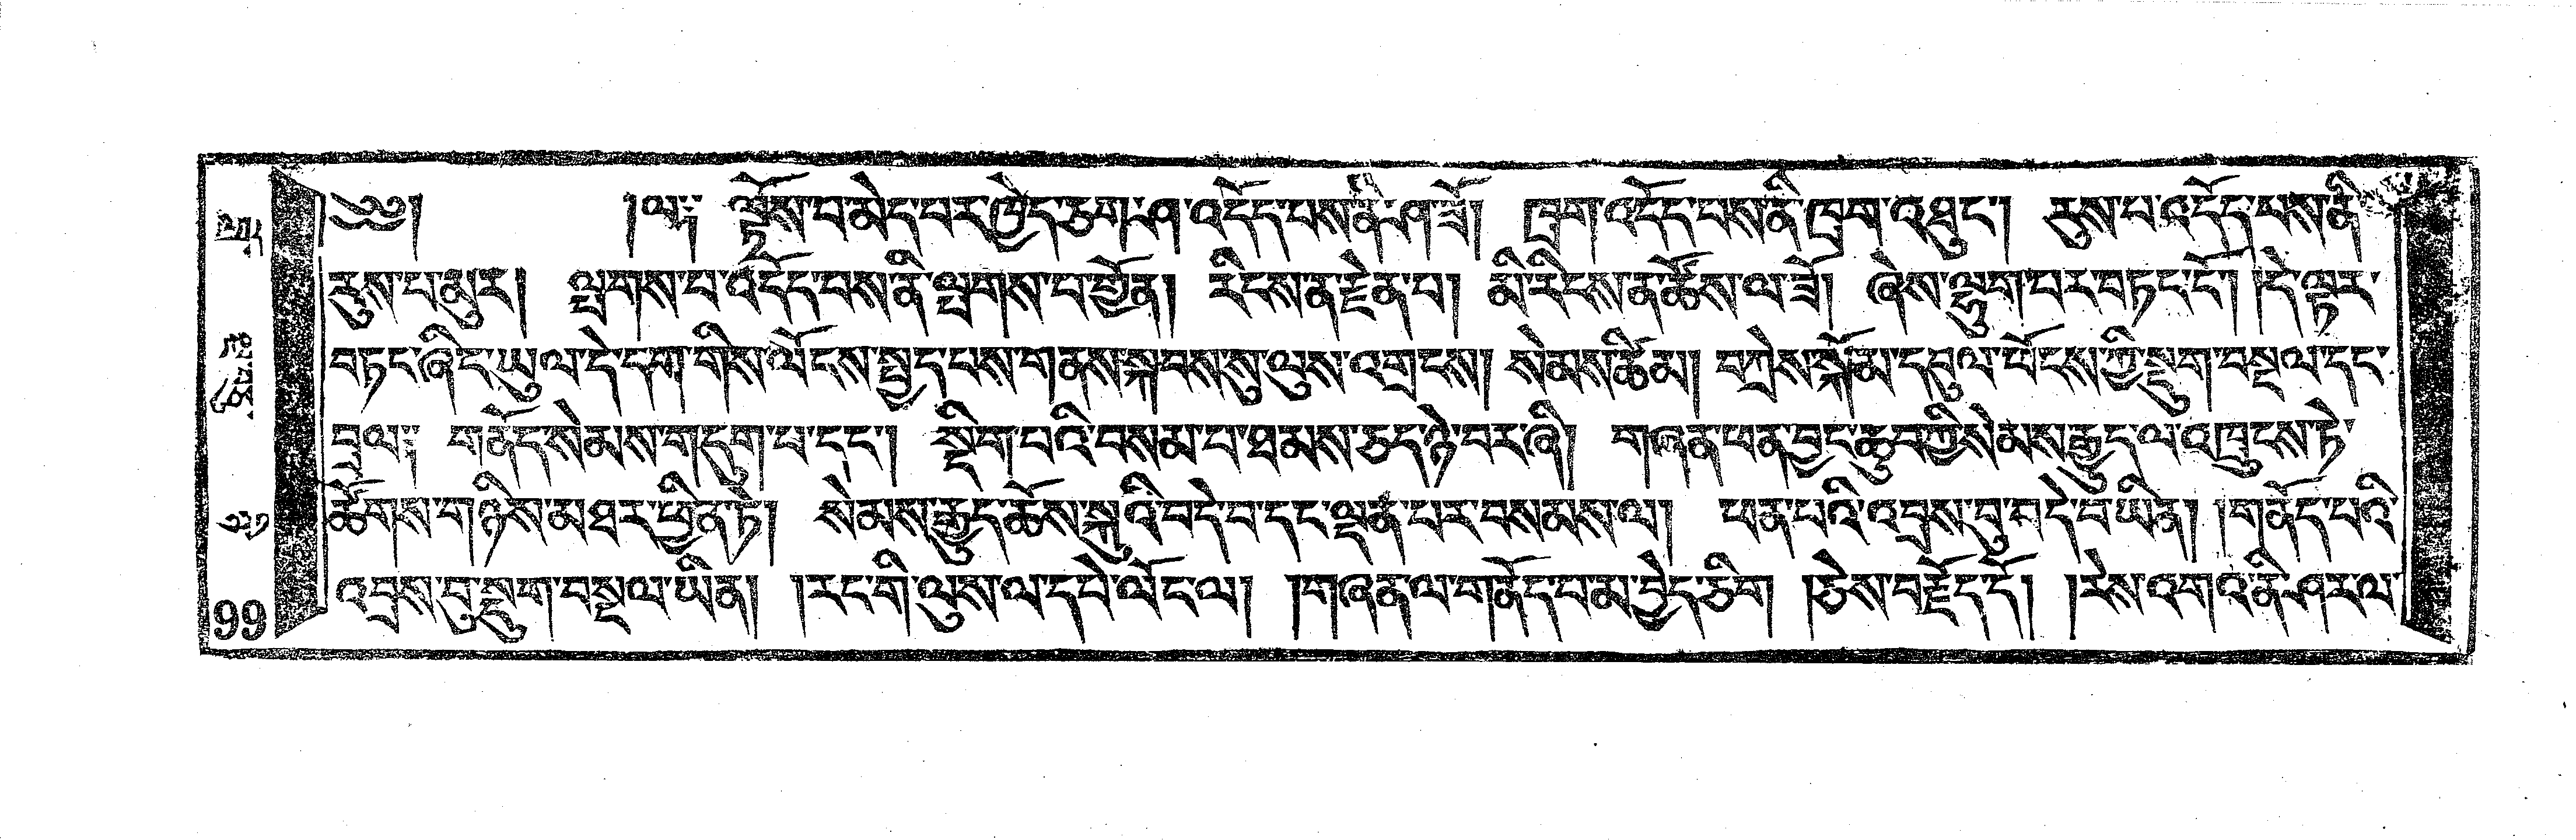༄༅། །ལ༑ ལྟོས་པ་མེད་པར་ཁྱེད་ཅག་ཤ་འདོད་པས་ནི་ཤ་ཟོ། ཁྲག་འདོད་པས་ནི་ཁྲག་འཐུང་། རུས་པ་འདོད་པས་ནི་
རུས་པ་མུར། ལྤགས་པ་འདོད་པས་ནི་ལྤགས་པ་གྱོན། རིངས་ན་རྗེན་པ། མི་རིངས་ན་ཚོས་ལ་ཟོ། ཞེས་ལྷུག་པར་བཏང་ངོ། །དེ་ལྟར་
བཏང་ཞིང་ཡུལ་དེ་དག་གིས་ལོངས་སྤྱད་པས་གནས་སྐབས་སུ་ལུས་འགྲངས། སེམས་ཚིམ། བཀྲེས་སྐོམ་དབུལ་ཕོངས་ཀྱི་སྡུག་བསྔལ་དང་
བྲལ༑ གནོད་སེམས་གདུག་པ་དང་། སྡིག་པའི་བསམ་པ་ཐམས་ཅད་ཉེ་བར་ཞི། གཞན་ཕན་བྱང་ཆུབ་ཀྱི་སེམས་རྒྱུད་ལ་འཁྲུངས་ཏེ་
ཚོགས་གཉིས་མཐར་ཕྱིན་ཏེ། སེམས་རྒྱུད་ཆོས་སྐུའི་བདེ་བ་དང་ལྡན་པར་བསམས་ལ། ཕན་པའི་འབྲས་བུ་བདེ་བ་ཡིན། །གནོད་པའི་
འབྲས་བུ་སྡུག་བསྔལ་ཡིན། །རང་གི་ལུས་ལ་དཔེ་ལོང་ལ། །གཞན་ལ་གནོད་པ་མ་བྱེད་ཅིག །ཅེས་བརྗོད་དོ། །རེས་འགའ་ནི་ཤར་ལ་